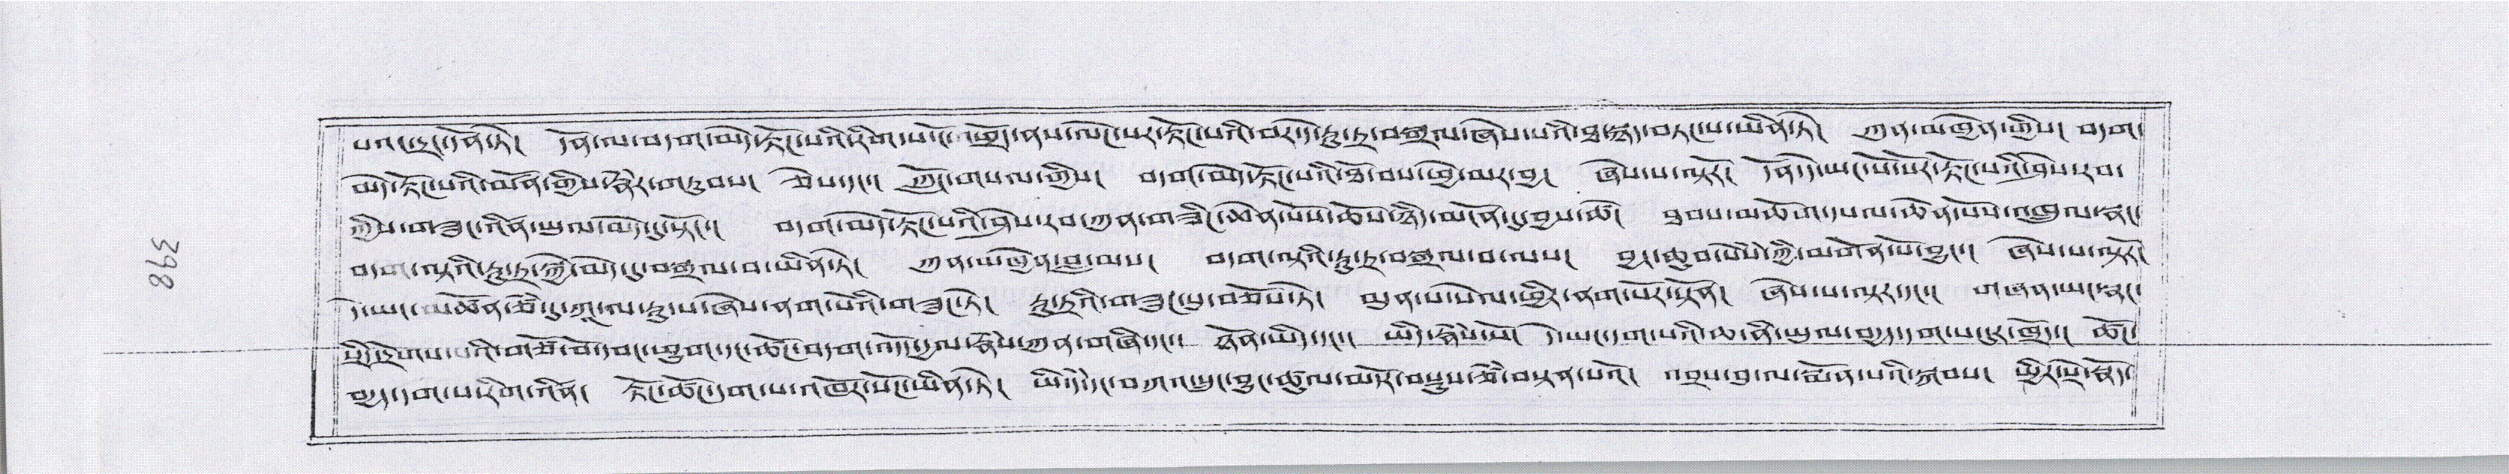པའང་དྲང་དོན་ཏེ། དོན་ལ་བདག་མེད་རྟོགས་པའི་རིག་པ་ངོ་འཕྲོད་ནས་ལེགས་པར་རྟོགས་པའི་བར་དེ་རུ་ཏྲ་བསྒྲལ་ཞེས་པའི་ཐ་སྙད་བཏགས་པ་ཡིན་ཏེ། ཀུན་མཁྱེན་གྱིས། བདག་
མེད་རྟོགས་པའི་མཚོན་གྱི་རྣམ་པར་གཏུབས། ཅེས་དང་། ཀློང་གསལ་གྱིས། བདག་མེད་རྟོགས་པའི་ཐོ་བས་ཕྱེ་མར་བྱ། ཞེས་པ་ལྟར་རོ། དོན་དེས་སོ་སོར་རྟོགས་པའི་ཤེས་རབ་
ཀྱིས་གཟུང་འཛིན་ཡུལ་མེད་དུ་སྟོང་། བདག་མེད་རྟོགས་པའི་ཤེས་རབ་ཀུན་གཟིགས་ཆེན་པོས་ཆོས་ཉིད་མངོན་དུ་བྱས་ཚེ། ཐབས་མཆོག་དཔལ་ཆེན་པོས་འཁྲུལ་སྣང་
བདག་ལྟའི་རུ་ཏྲ་སྐྱེ་མེད་དུ་བསྒྲལ་བ་ཡིན་ཏེ། ཀུན་མཁྱེན་བླ་མས། བདག་ལྟའི་རུ་ཏྲ་བསྒྲལ་བ་ལས། བྱང་ཆུབ་སེམས་ཀྱི་མགོན་པོ་བྱུང་། ཞེས་པ་ལྟར་རོ། 
དེ་ཡང་མཚོན་ཙམ་དུ་ཀ་ལ་རུ་པ་ཞེས་ནག་པོའི་གཟུགས་ཏེ། རུ་ཏྲའི་གཟུགས་སུ་བཅོས་ཏེ། མུན་པ་སེལ་ཕྱིར་ནག་པོ་སྟོན། ཞེས་པ་ལྟར་དང་། གཞན་ཡང་སྣང་
སྲིད་དྲེགས་པའི་གཙོ་བོ་དབང་ཕྱུག་དང་ཚོགས་བདག་འདོད་རྒྱལ་རྣམས་ཀུན་གཞི་དང་། ཉོན་ཡིད་དང་། ཡིད་རྣམས་སོ། དེ་ཡང་དག་པའི་ཆ་ནི་ཡུལ་བརྒྱད་དག་པ་དུར་ཁྲོད། ཚོགས་
བརྒྱད་དག་པ་རིག་འཛིན། རྟོག་ཚོགས་དག་པ་འཁོར་སོགས་ཡིན་ཏེ། ཡི་དམ་དང་བཀའ་སྲུང་བྱུང་ཚུལ་མདོར་བསྡུས་ཙམ་བསྟན་པའོ། འབྲས་བུ་ལ་སྨོན་པའི་སྐབས། སྤྱིར་སྡེ་སྣོད་